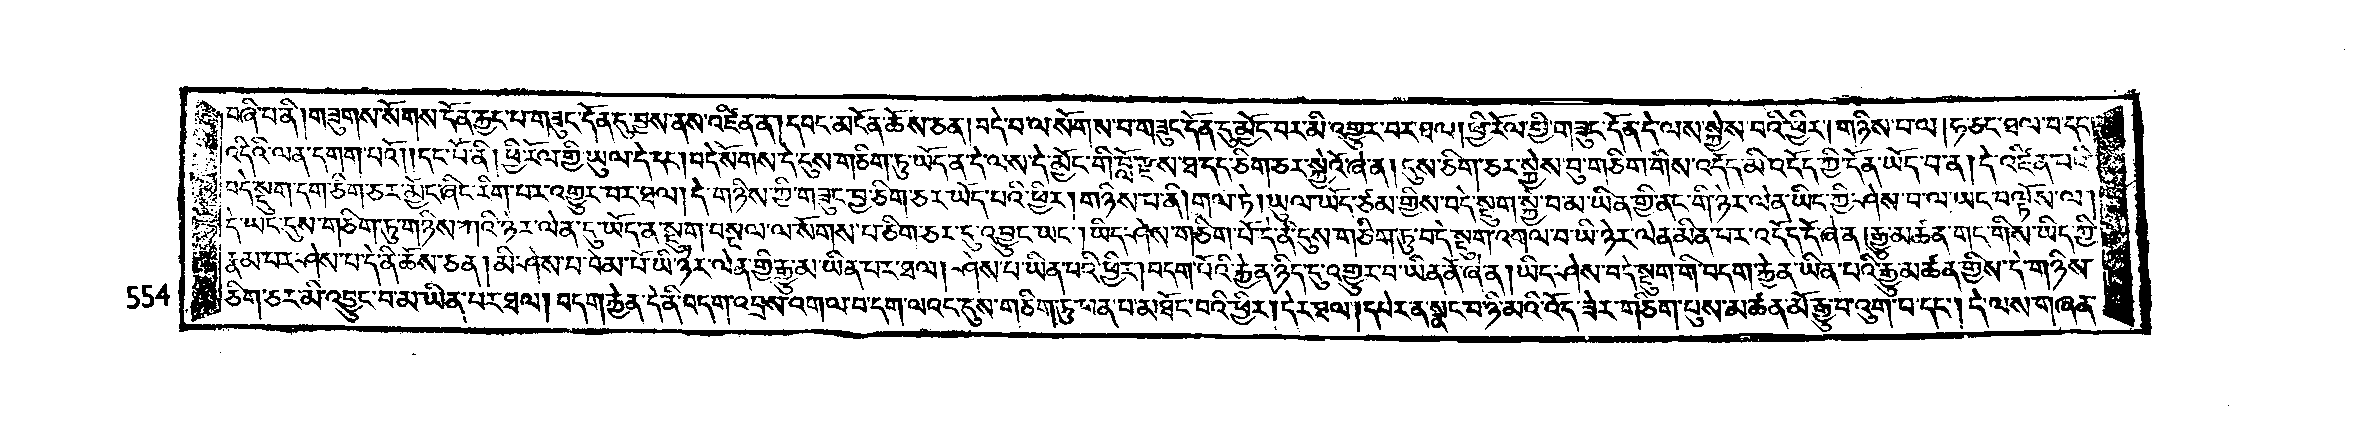བཞི་པ་ནི། གཟུགས་སོགས་དོན་རྐྱང་པ་གཟུང་དོན་དུ་བྱས་ནས་འཛིན་ན། དབང་མངོན་ཆོས་ཅན། བདེ་བ་ལ་སོགས་པ་གཟུང་དོན་དུ་མྱོང་བར་མི་འགྱུར་བར་ཐལ། ཕྱི་རོལ་གྱི་གཟུང་དོན་དེ་ལས་སྐྱེས་བའི་ཕྱིར། གཉིས་པ་ལ། ཧ་ཅང་ཐལ་བ་དང་།
འདིའི་ལན་དགག་པའོ། །དང་པོ་ནི། ཕྱི་རོལ་གྱི་ཡུལ་དེ་དང་། བདེ་སོགས་དེ་དུས་གཅིག་ཏུ་ཡོད་ན་དེ་ལས་དེ་མྱོང་གི་བློ་རྫས་ཐ་དད་ཅིག་ཅར་སྐྱེའོ་ཞེ་ན། དུས་ཅིག་ཅར་སྐྱེས་བུ་གཅིག་གིས་འདོད་མི་འདོད་ཀྱི་དོན་ཡོད་པ་ན། དེ་འཛིན་པའི་
བདེ་སྡུག་དག་ཅིག་ཅར་མྱོང་ཞིང་རིག་པར་འགྱུར་བར་ཐལ། དེ་གཉིས་ཀྱི་གཟུང་བྱ་ཅིག་ཅར་ཡོད་པའི་ཕྱིར། གཉིས་པ་ནི། གྲལ་ཏེ། ཡུལ་ཡོད་ཙམ་གྱིས་བདེ་སྡུག་སྐྱེ་བ་མ་ཡིན་གྱི་ནང་གི་ཉེར་ལེན་ཡིད་ཀྱི་ཤེས་པ་ལ་ཡང་བལྟོས་ལ།
དེ་ཡང་དུས་གཅིག་ཏུ་གཉིས་ཀའི་ཉེར་ལེན་དུ་ཡོད་ན་སྡུག་བསྔལ་ལ་སོགས་པ་གཅིག་ཅར་དུ་འབྱུང་ཡང་། ཡིད་ཤེས་གཅིག་པོ་དེ་ནི་དུས་གཅིག་ཏུ་བདེ་སྡུག་འགལ་བ་ཡི་ཉེར་ལེན་མིན་པར་འདོད་དོ་ཞེ་ན། རྒྱུ་མཚན་གང་གིས་ཡིད་ཀྱི་
རྣམ་པར་ཤེས་པ་དེ་ནི་ཆོས་ཅན། མི་ཤེས་པ་བེམ་པོ་ཡི་ཉེར་ལེན་གྱི་རྒྱུ་མ་ཡིན་པར་ཐལ། ཤེས་པ་ཡིན་པའི་ཕྱིར། བདག་པོའི་རྐྱེན་ཉིད་དུ་འགྱུར་བ་ཡིན་ནོ་ཞེ་ན། ཡིད་ཤེས་བདེ་སྡུག་གི་བདག་རྐྱེན་ཡིན་པའི་རྒྱུ་མཚན་གྱིས་དེ་གཉིས་
ཅིག་ཅར་མི་འབྱུང་བ་མ་ཡིན་པར་ཐལ། བདག་རྐྱེན་དེ་ནི་བདག་འབྲས་འགལ་བ་དག་ལའང་དུས་གཅིག་ཏུ་ཕན་པ་མཐོང་བའི་ཕྱིར། དེར་ཐལ། དཔེར་ན་སྣང་བ་ཉི་མའི་འོད་ཟེར་གཅིག་པུས་མཚན་མོ་རྒྱུ་བ་འུག་པ་དང་། དེ་ལས་གཞན་